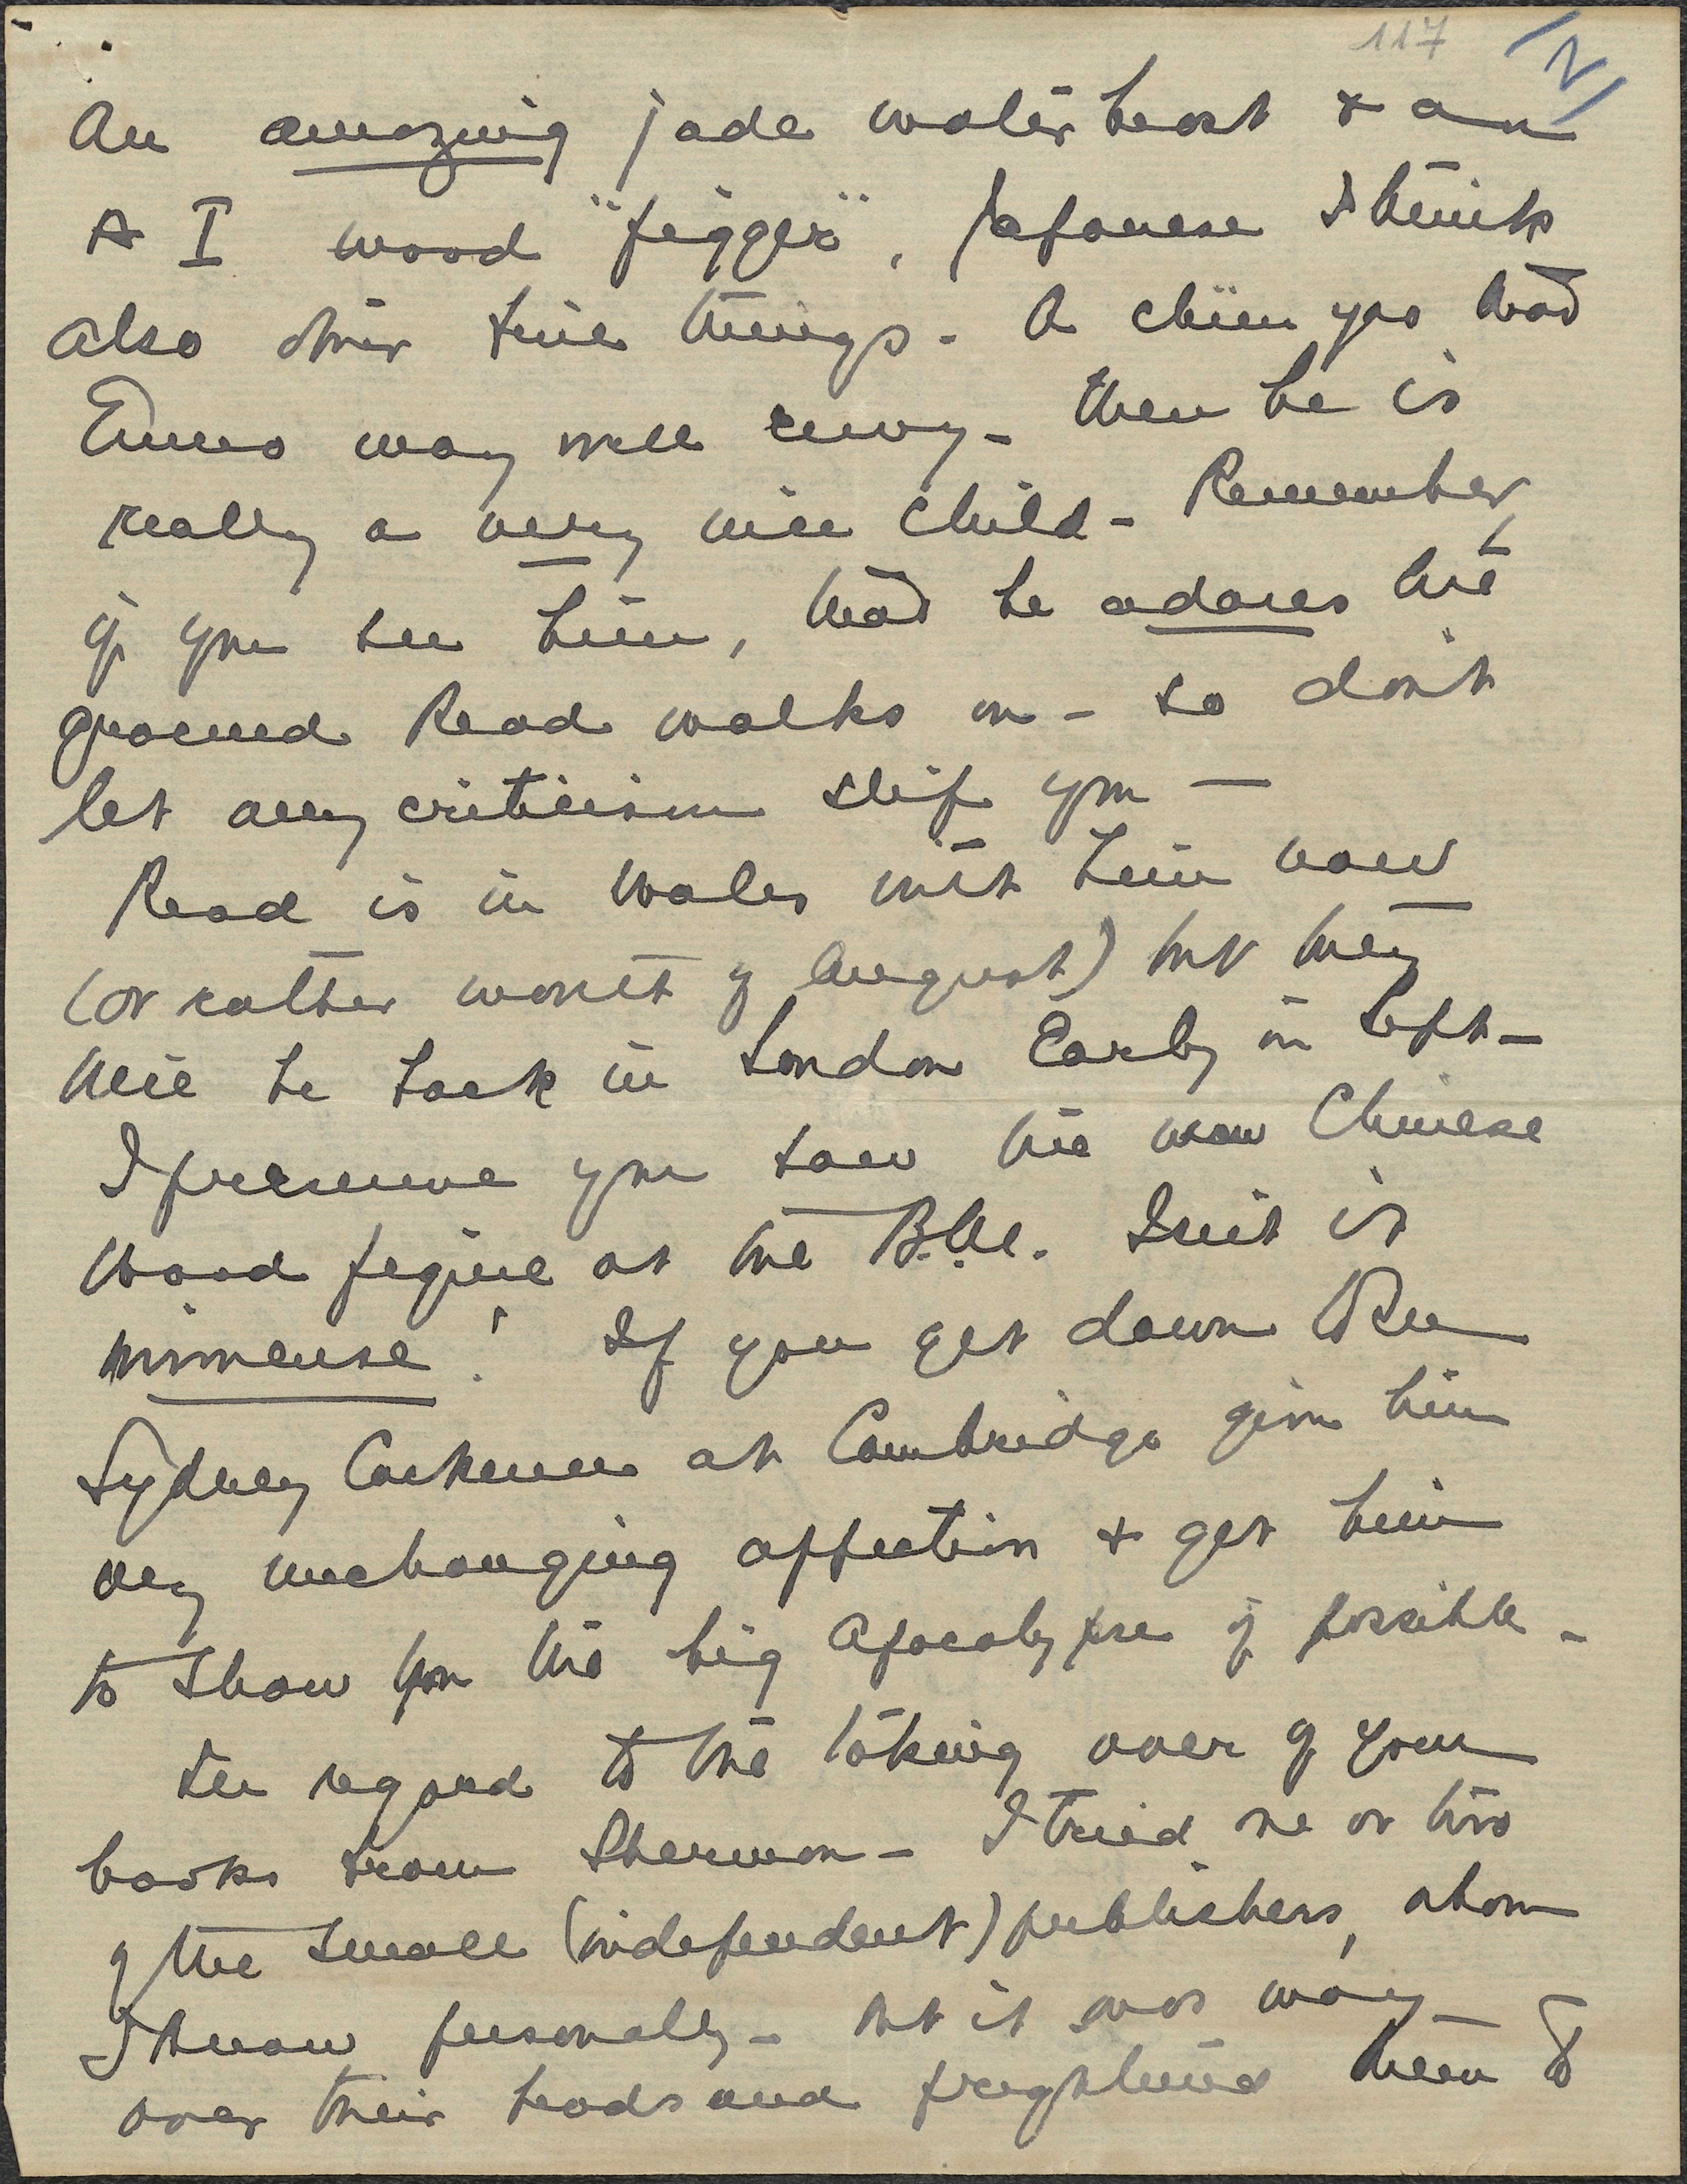[in blue pencil: 2]
an amazing jade water beast & an A1 wood "figger", Japanese I think also other fine things – A chün yao that Eumo may will envy – then he is really a very nice child – Remember if you see him, that he adores the ground Read walks on – so don't let any criticism slip you –
Read is in Wales with him now (or rather month of August) but they will be back in London early in Sept –
I presume you saw the new Chinese wood figure at the B.M. Isn't it immense? If you get down to see Sydney Cockerell at Cambridge give him my unchanging affection & get him to show you the big Apocalypse if possible –
In regard to the taking over of your books from Sherman – I tried, one or two of the small (independent) publishers, whom I know personally – but it was way over their heads and frightened them to